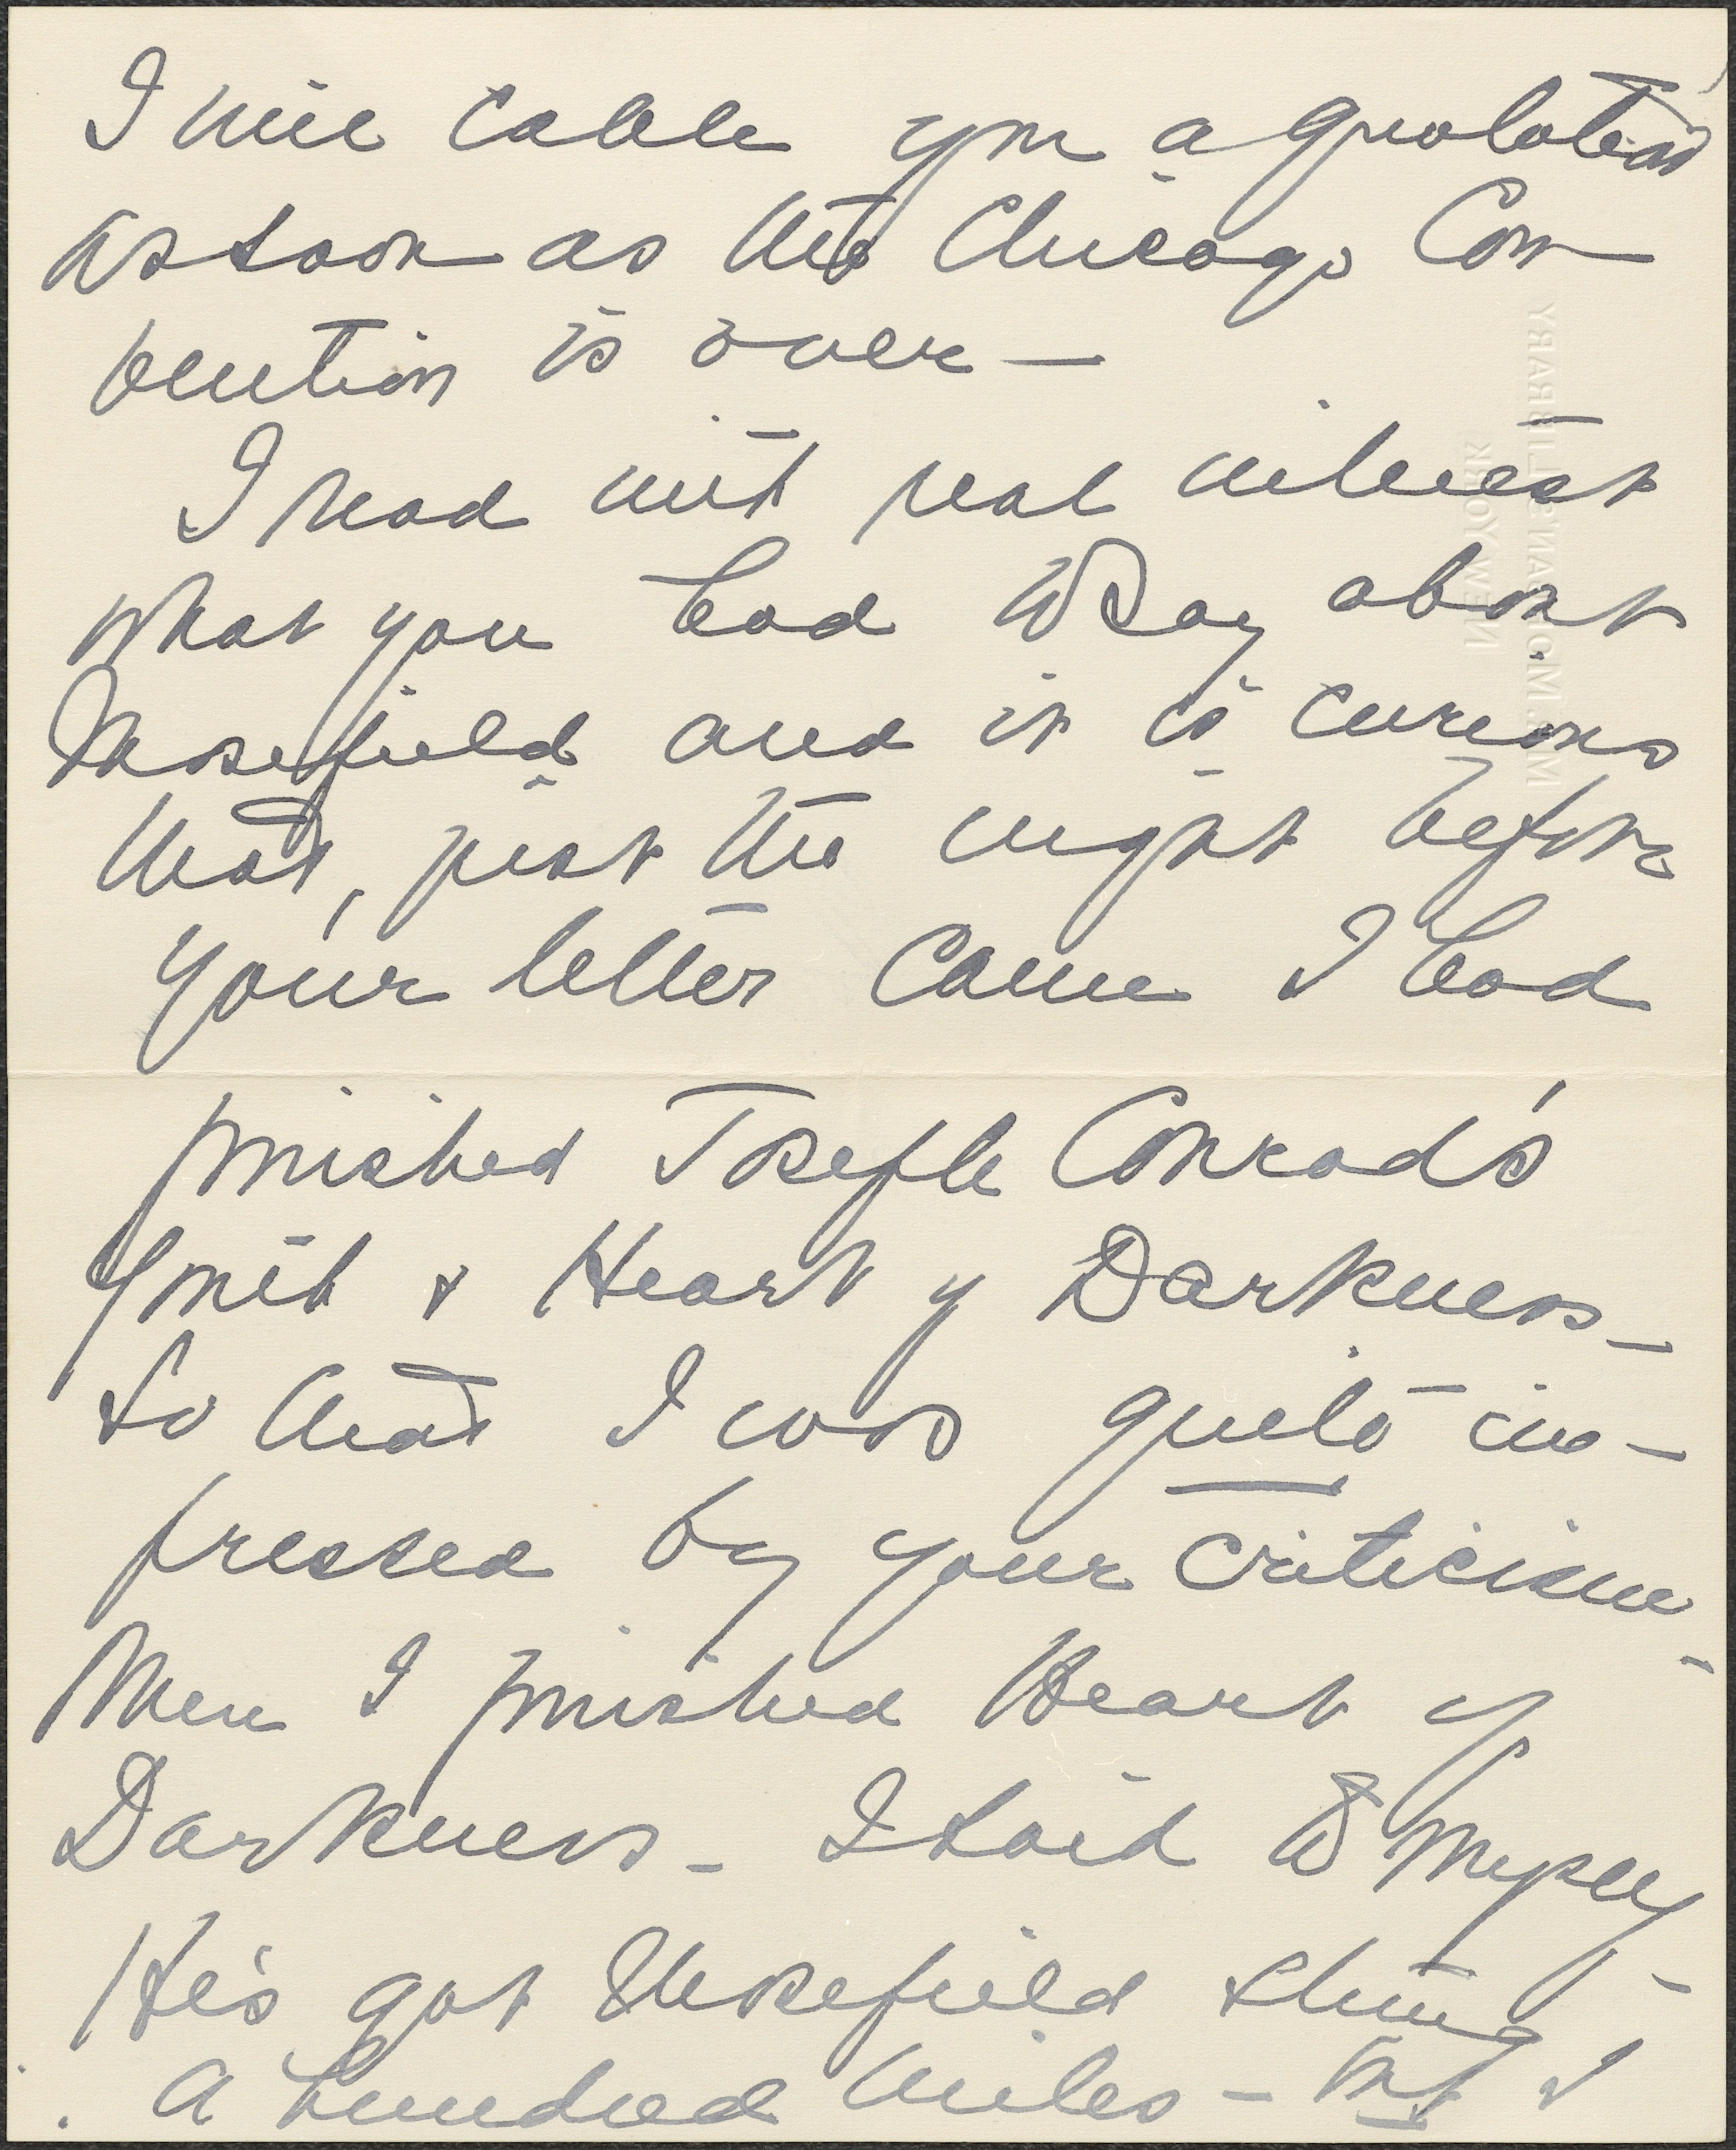I will cable you a quotation as soon as the Chicago Convention is over –
I read with real interest what you had to say about Masefield and it is curious that, just the night before your letter came I had finished Joseph Conrad’s Youth & Heart of Darkness – so that I was quite impressed by your criticism – When I finished Heart of Darkness – I said to myself – He’s got Masefield strung a hundred miles – but I